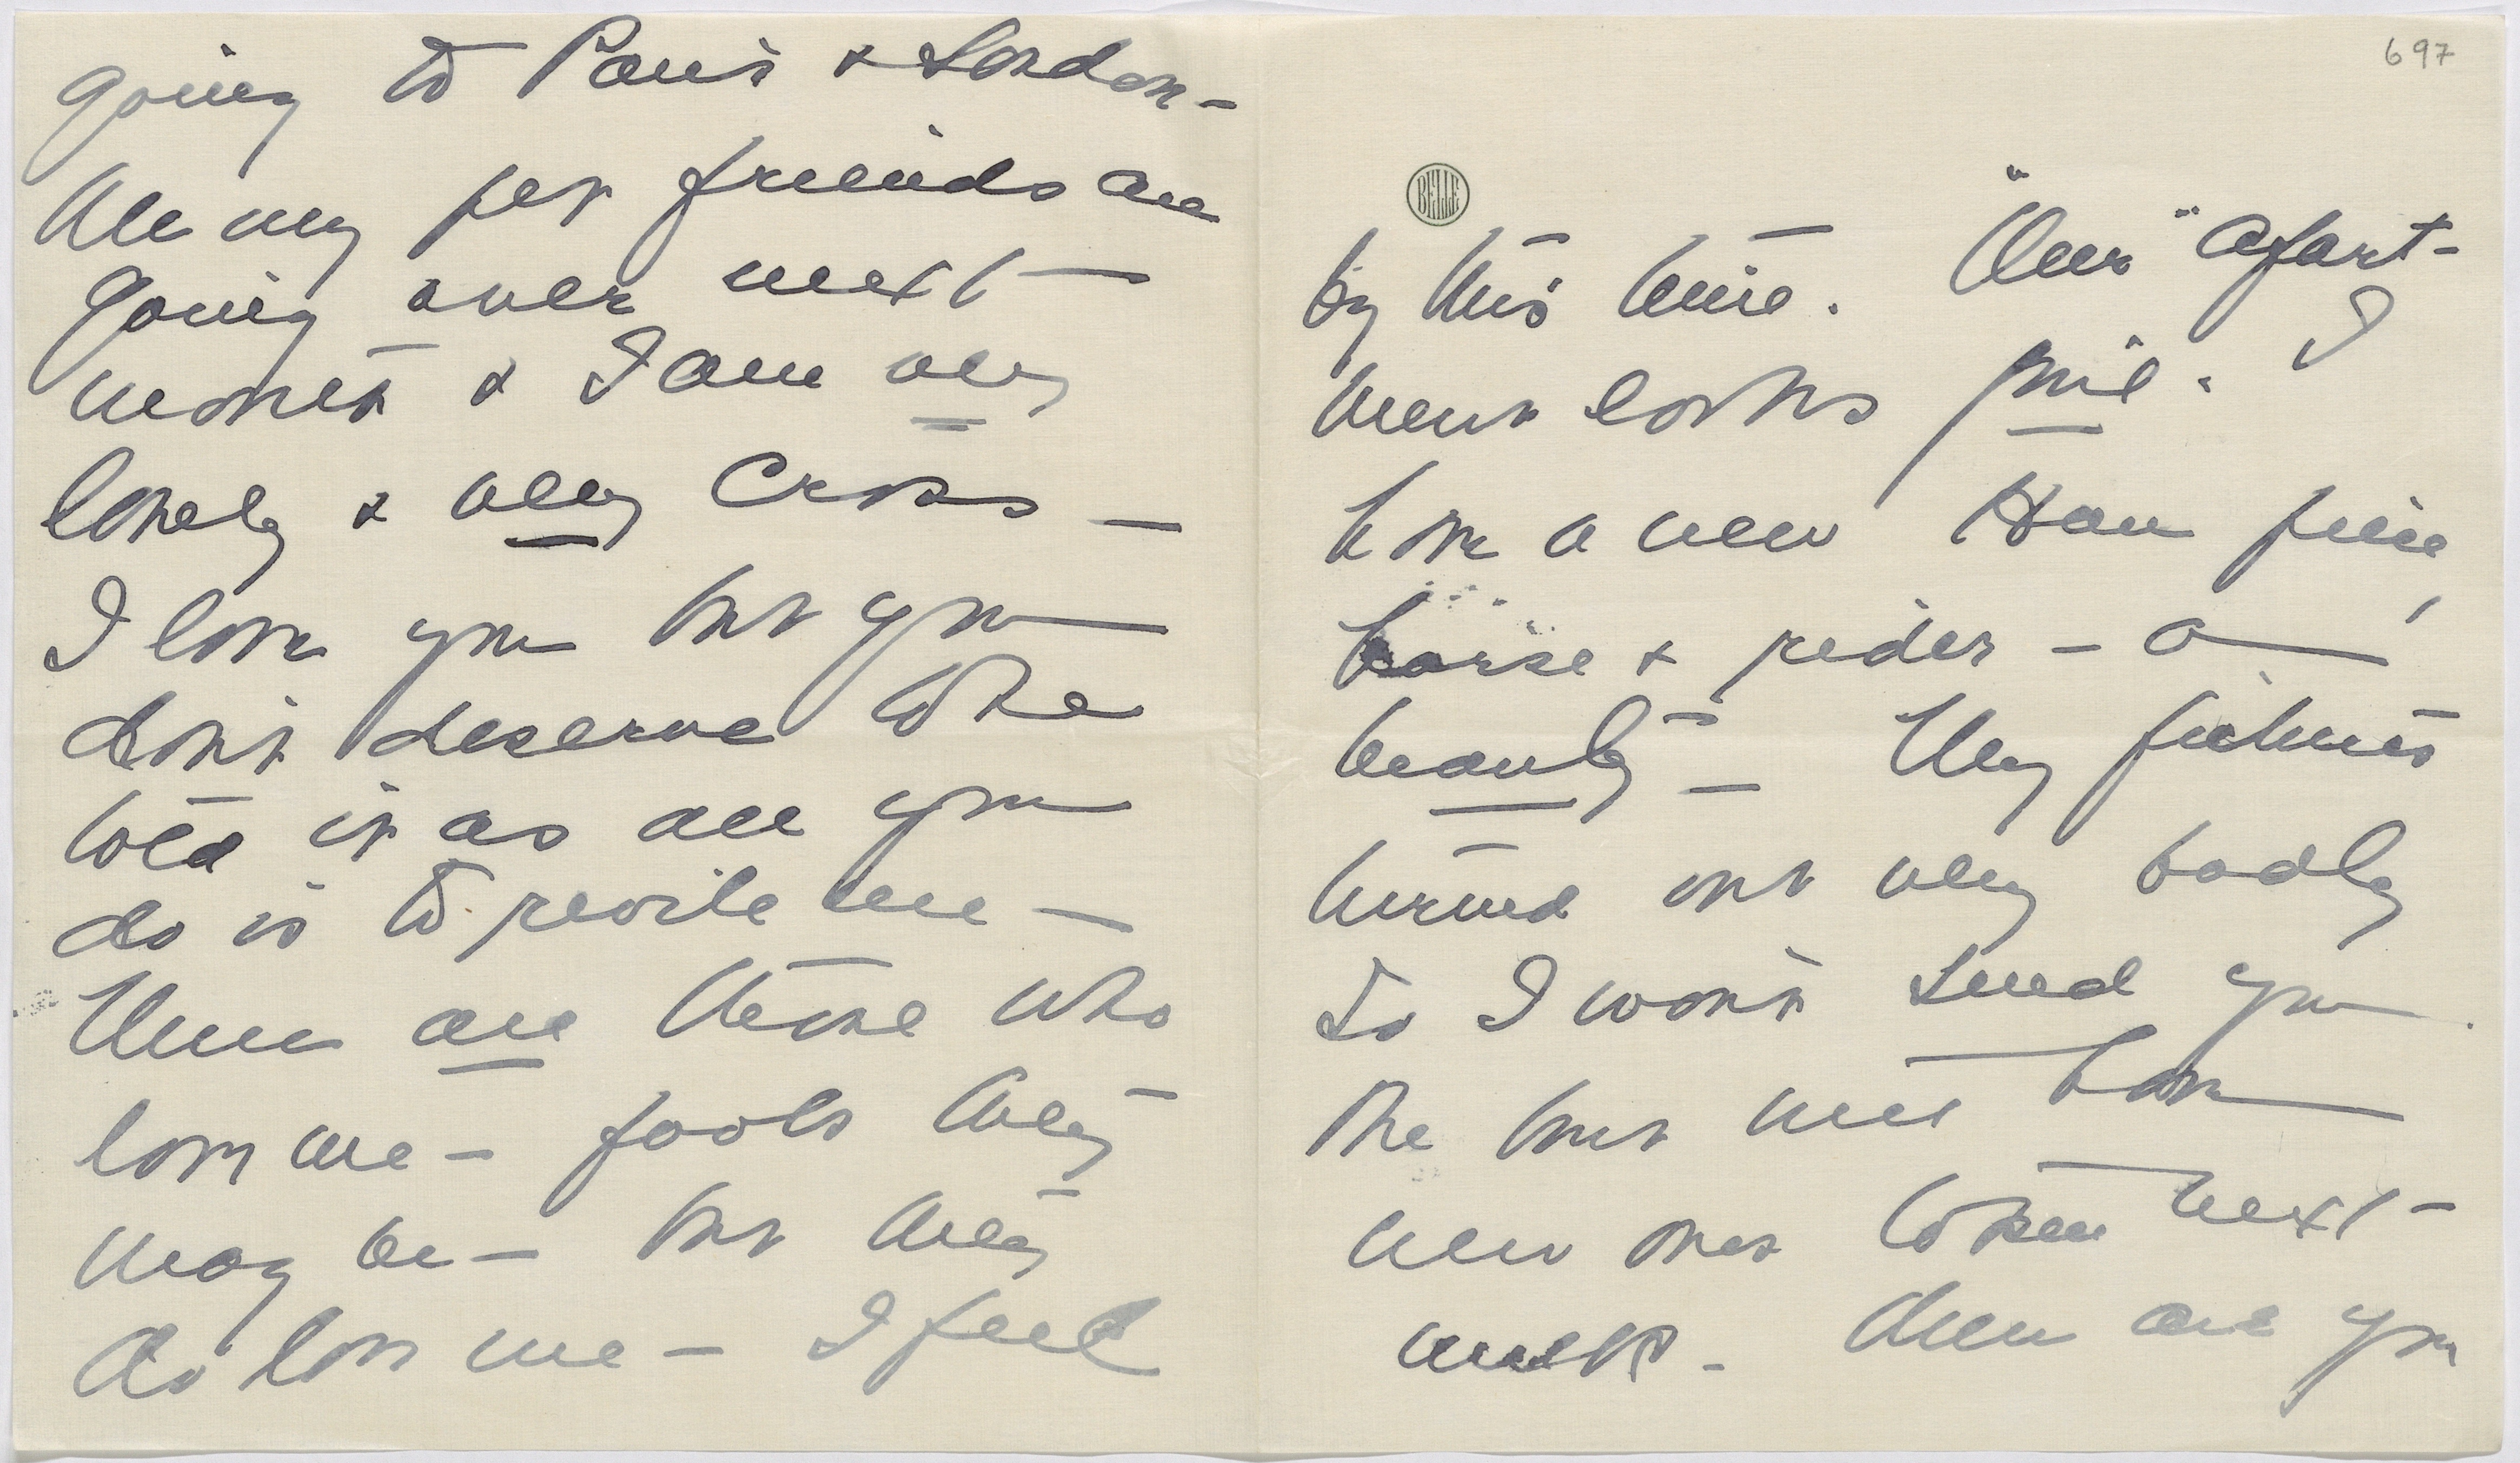by this time. “Our” apartment looks fine. I have a new Han piece, horse & rider – a beauty – My pictures turned out very badly so I won’t send you one but will have new ones taken next week. When are you
going to Paris & London – All my pet friends are going over next month & I am [double underlined: very] lonely & very cross – I love you but you don’t deserve to be told it as all you do is revile me – There are those who love me – fools they may be – but they do love me – I feel